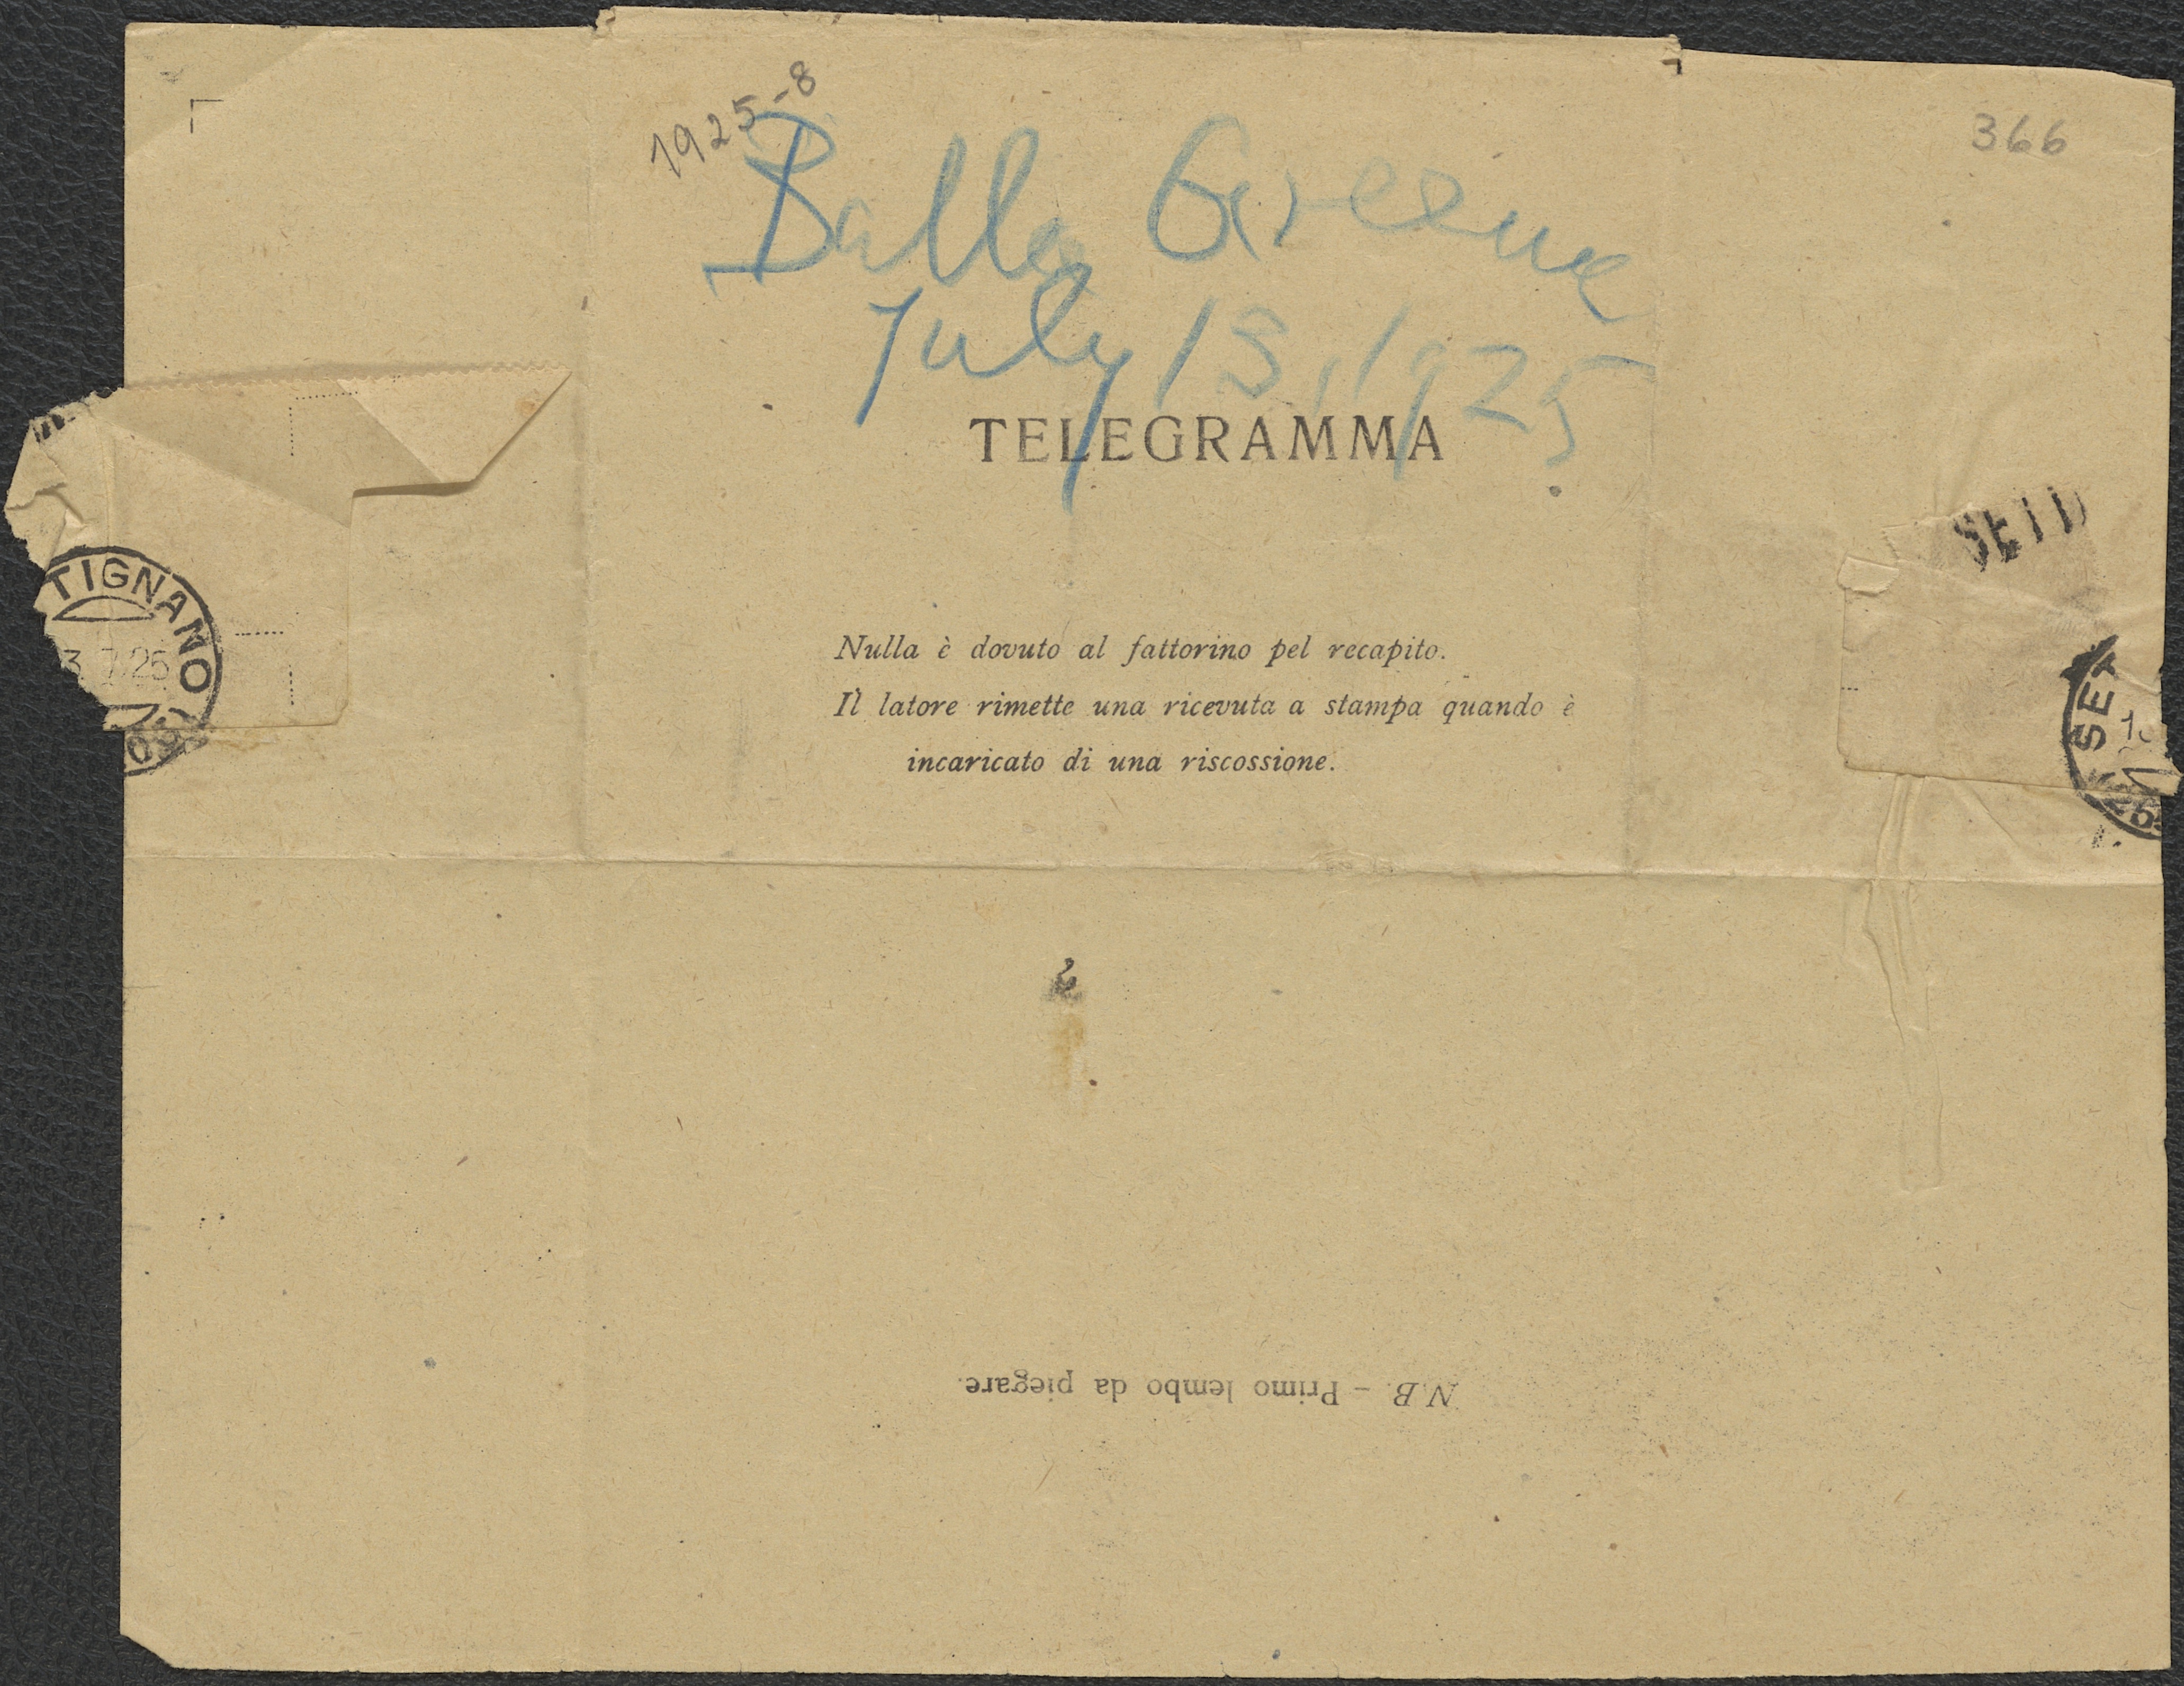[Written in blue pencil: Belle Greene
July 13, 1925]